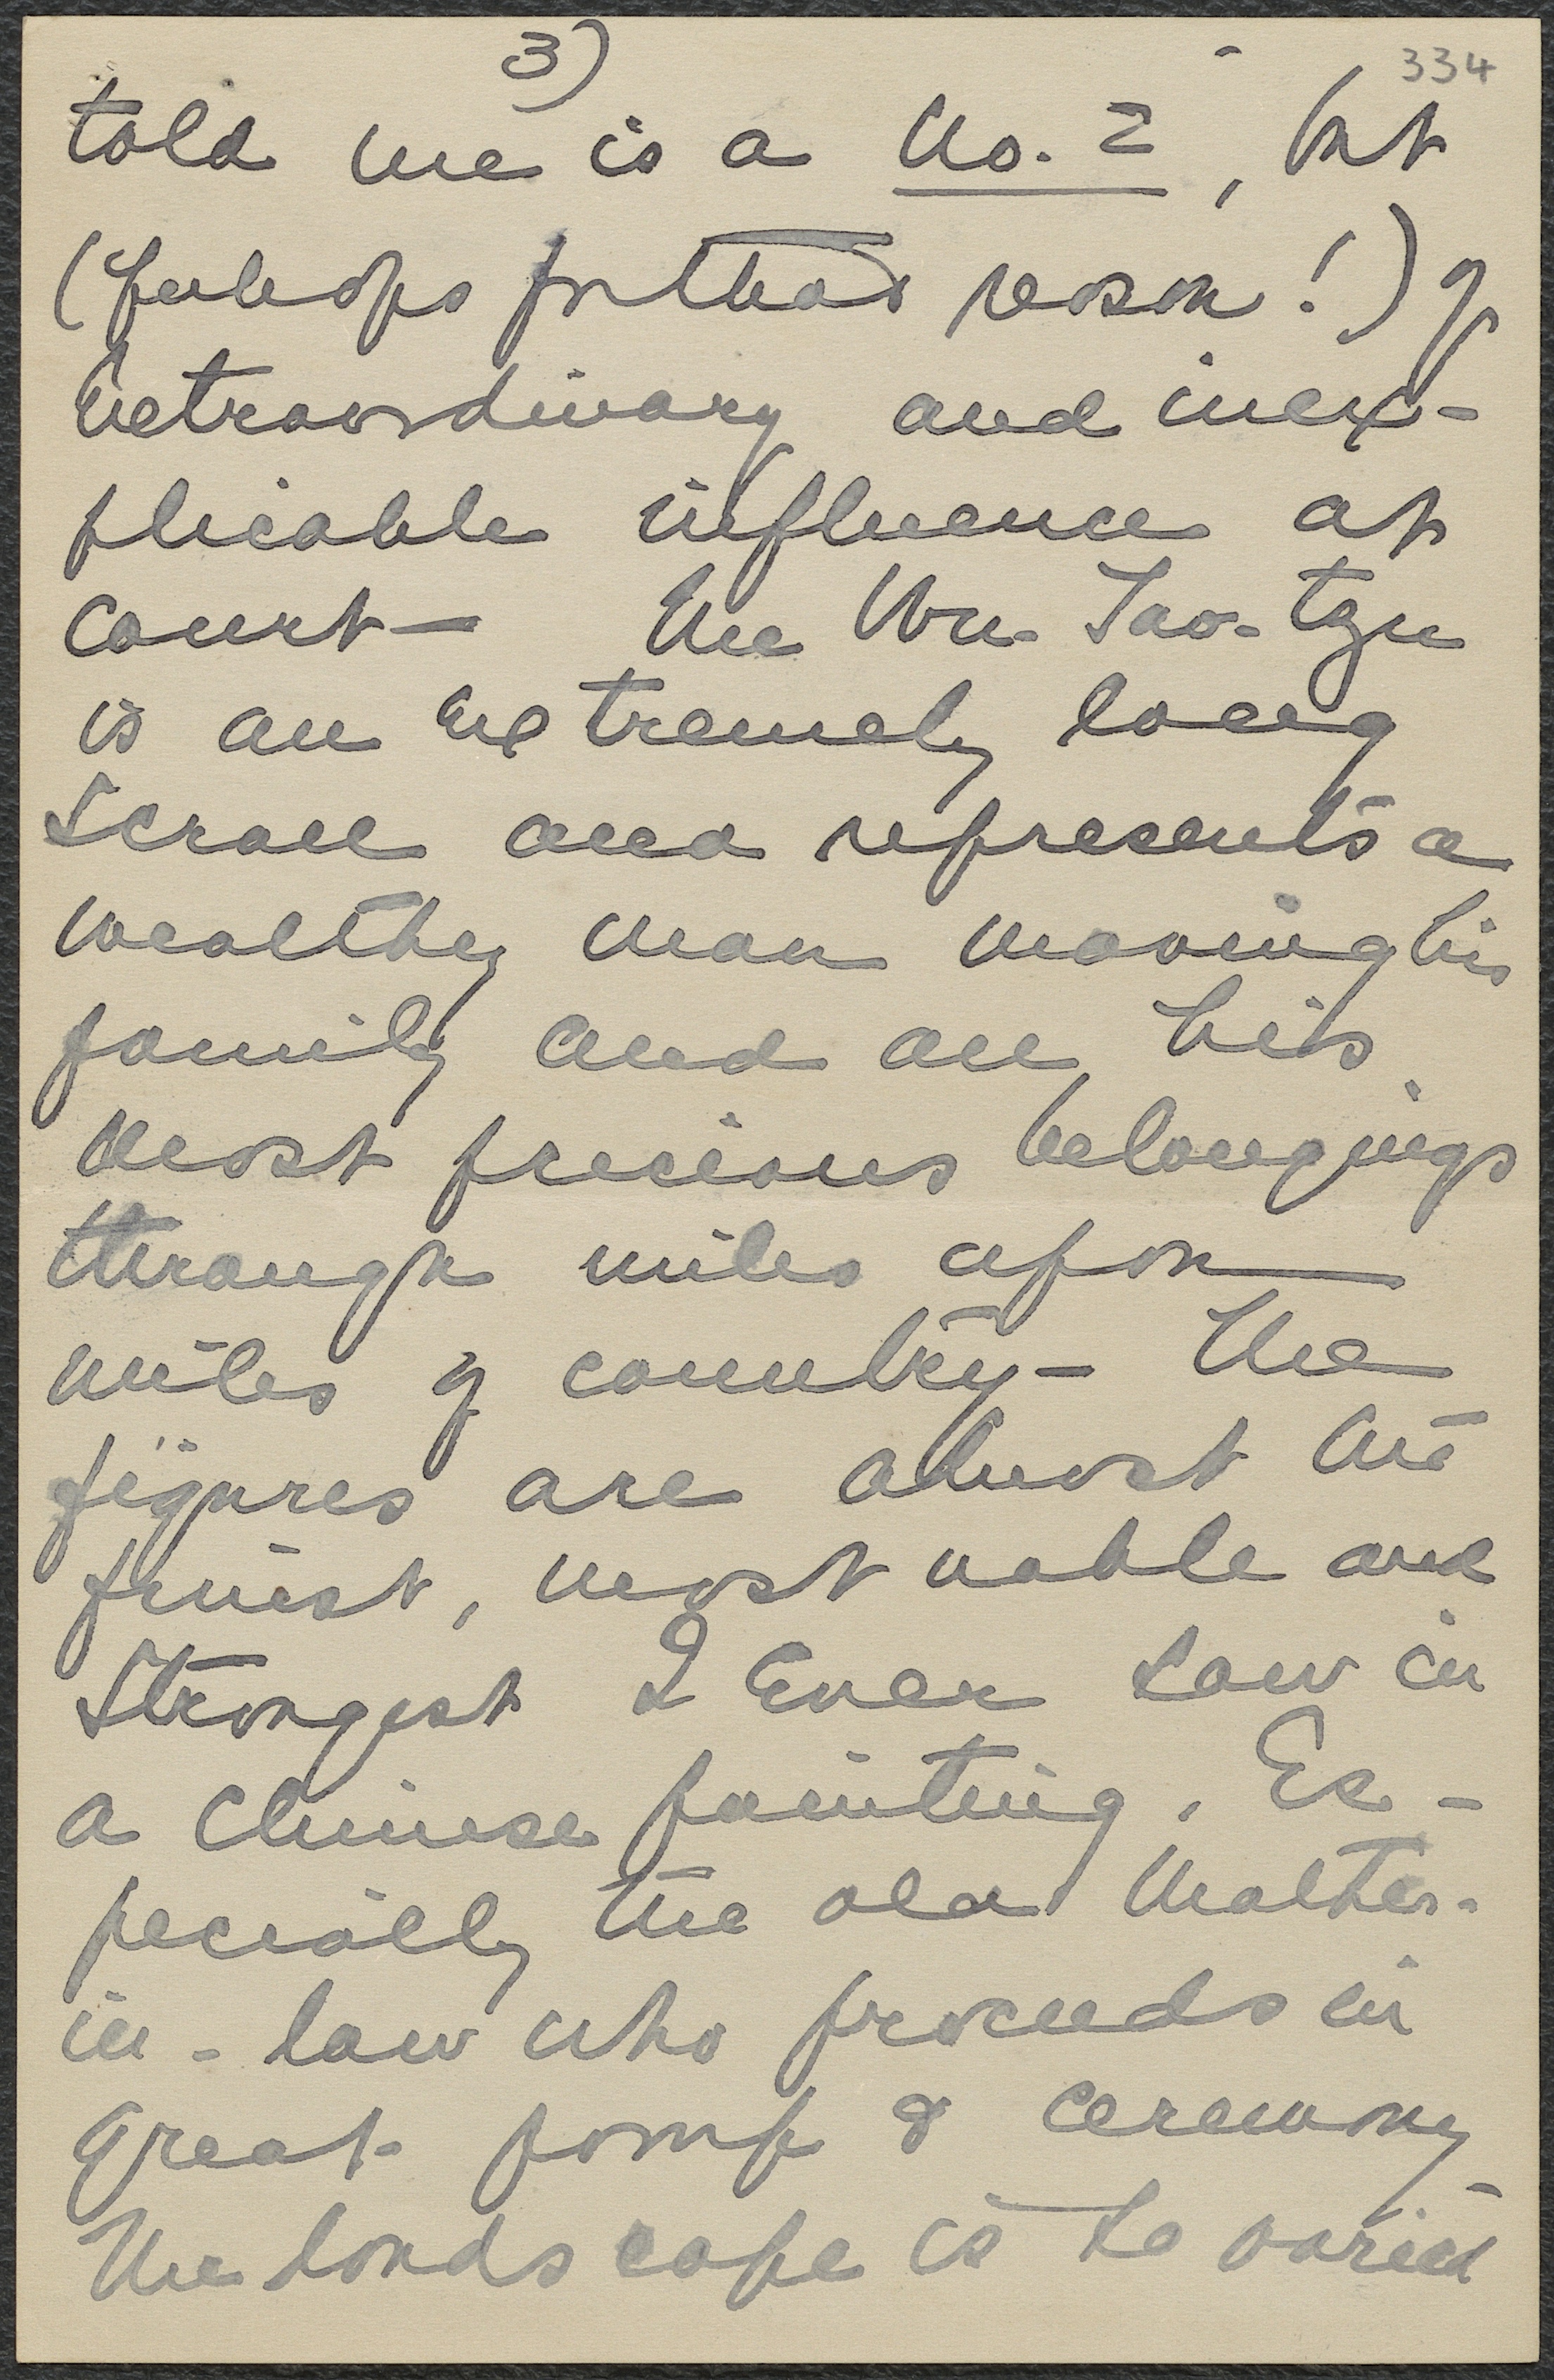3)
told me is a no. 2, but (perhaps for that reason!) of extraordinary and inexplicable influence at court – the Wu- Tao- tzu is an extremely long scroll and represents a wealthy man moving his family and all his most precious belongings through miles upon miles of country – The figures are almost the finest, most noble and strongest I ever saw in a Chinese painting, especially the old Mother-in-law who proceeds in great pomp & ceremony – The landscape is so varied